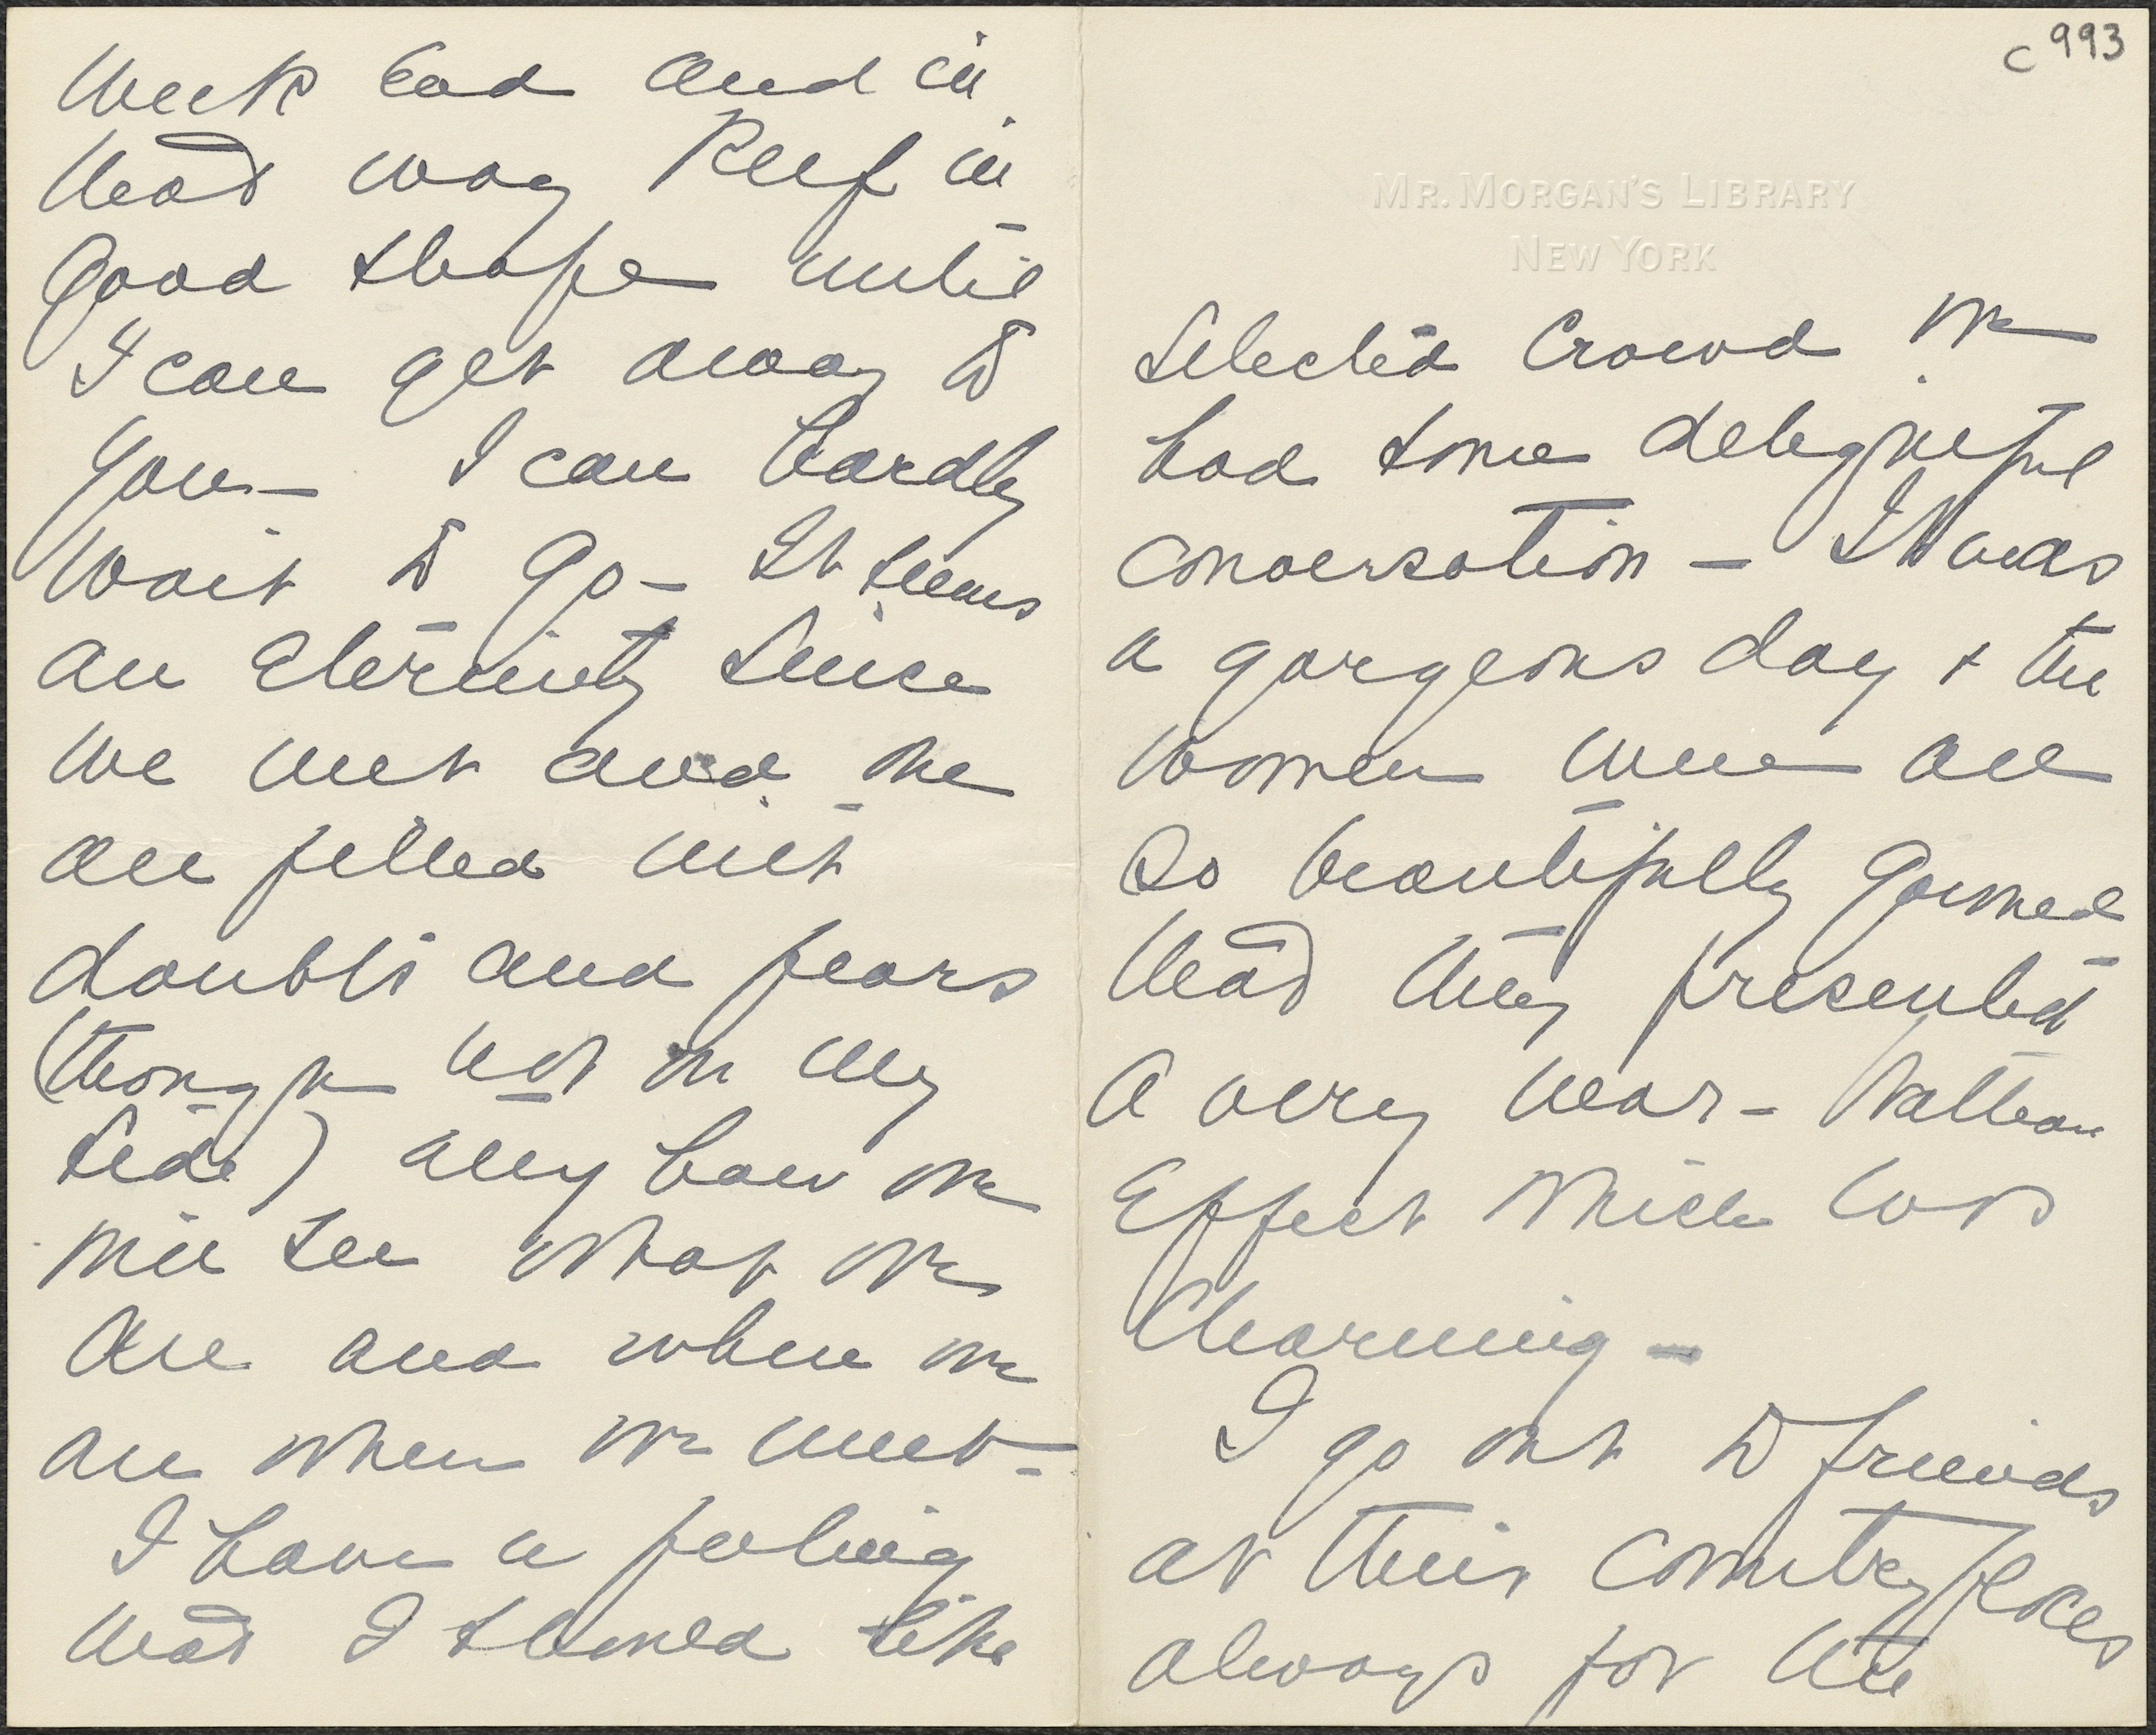selected crowd we had some delightful conversation – It was a gorgeous day & the women were all so beautifully gowned that they presented a very near-Watteau effect which was charming –
I go out to friends at their country places always for the
week end and in that way keep in good shape until I can get away to you – I can hardly wait to go – It seems an eternity since we met and we are filled with doubts and fears (though not on my side) any how we will see what we are and where we are when we meet –
I have a feeling that I should like